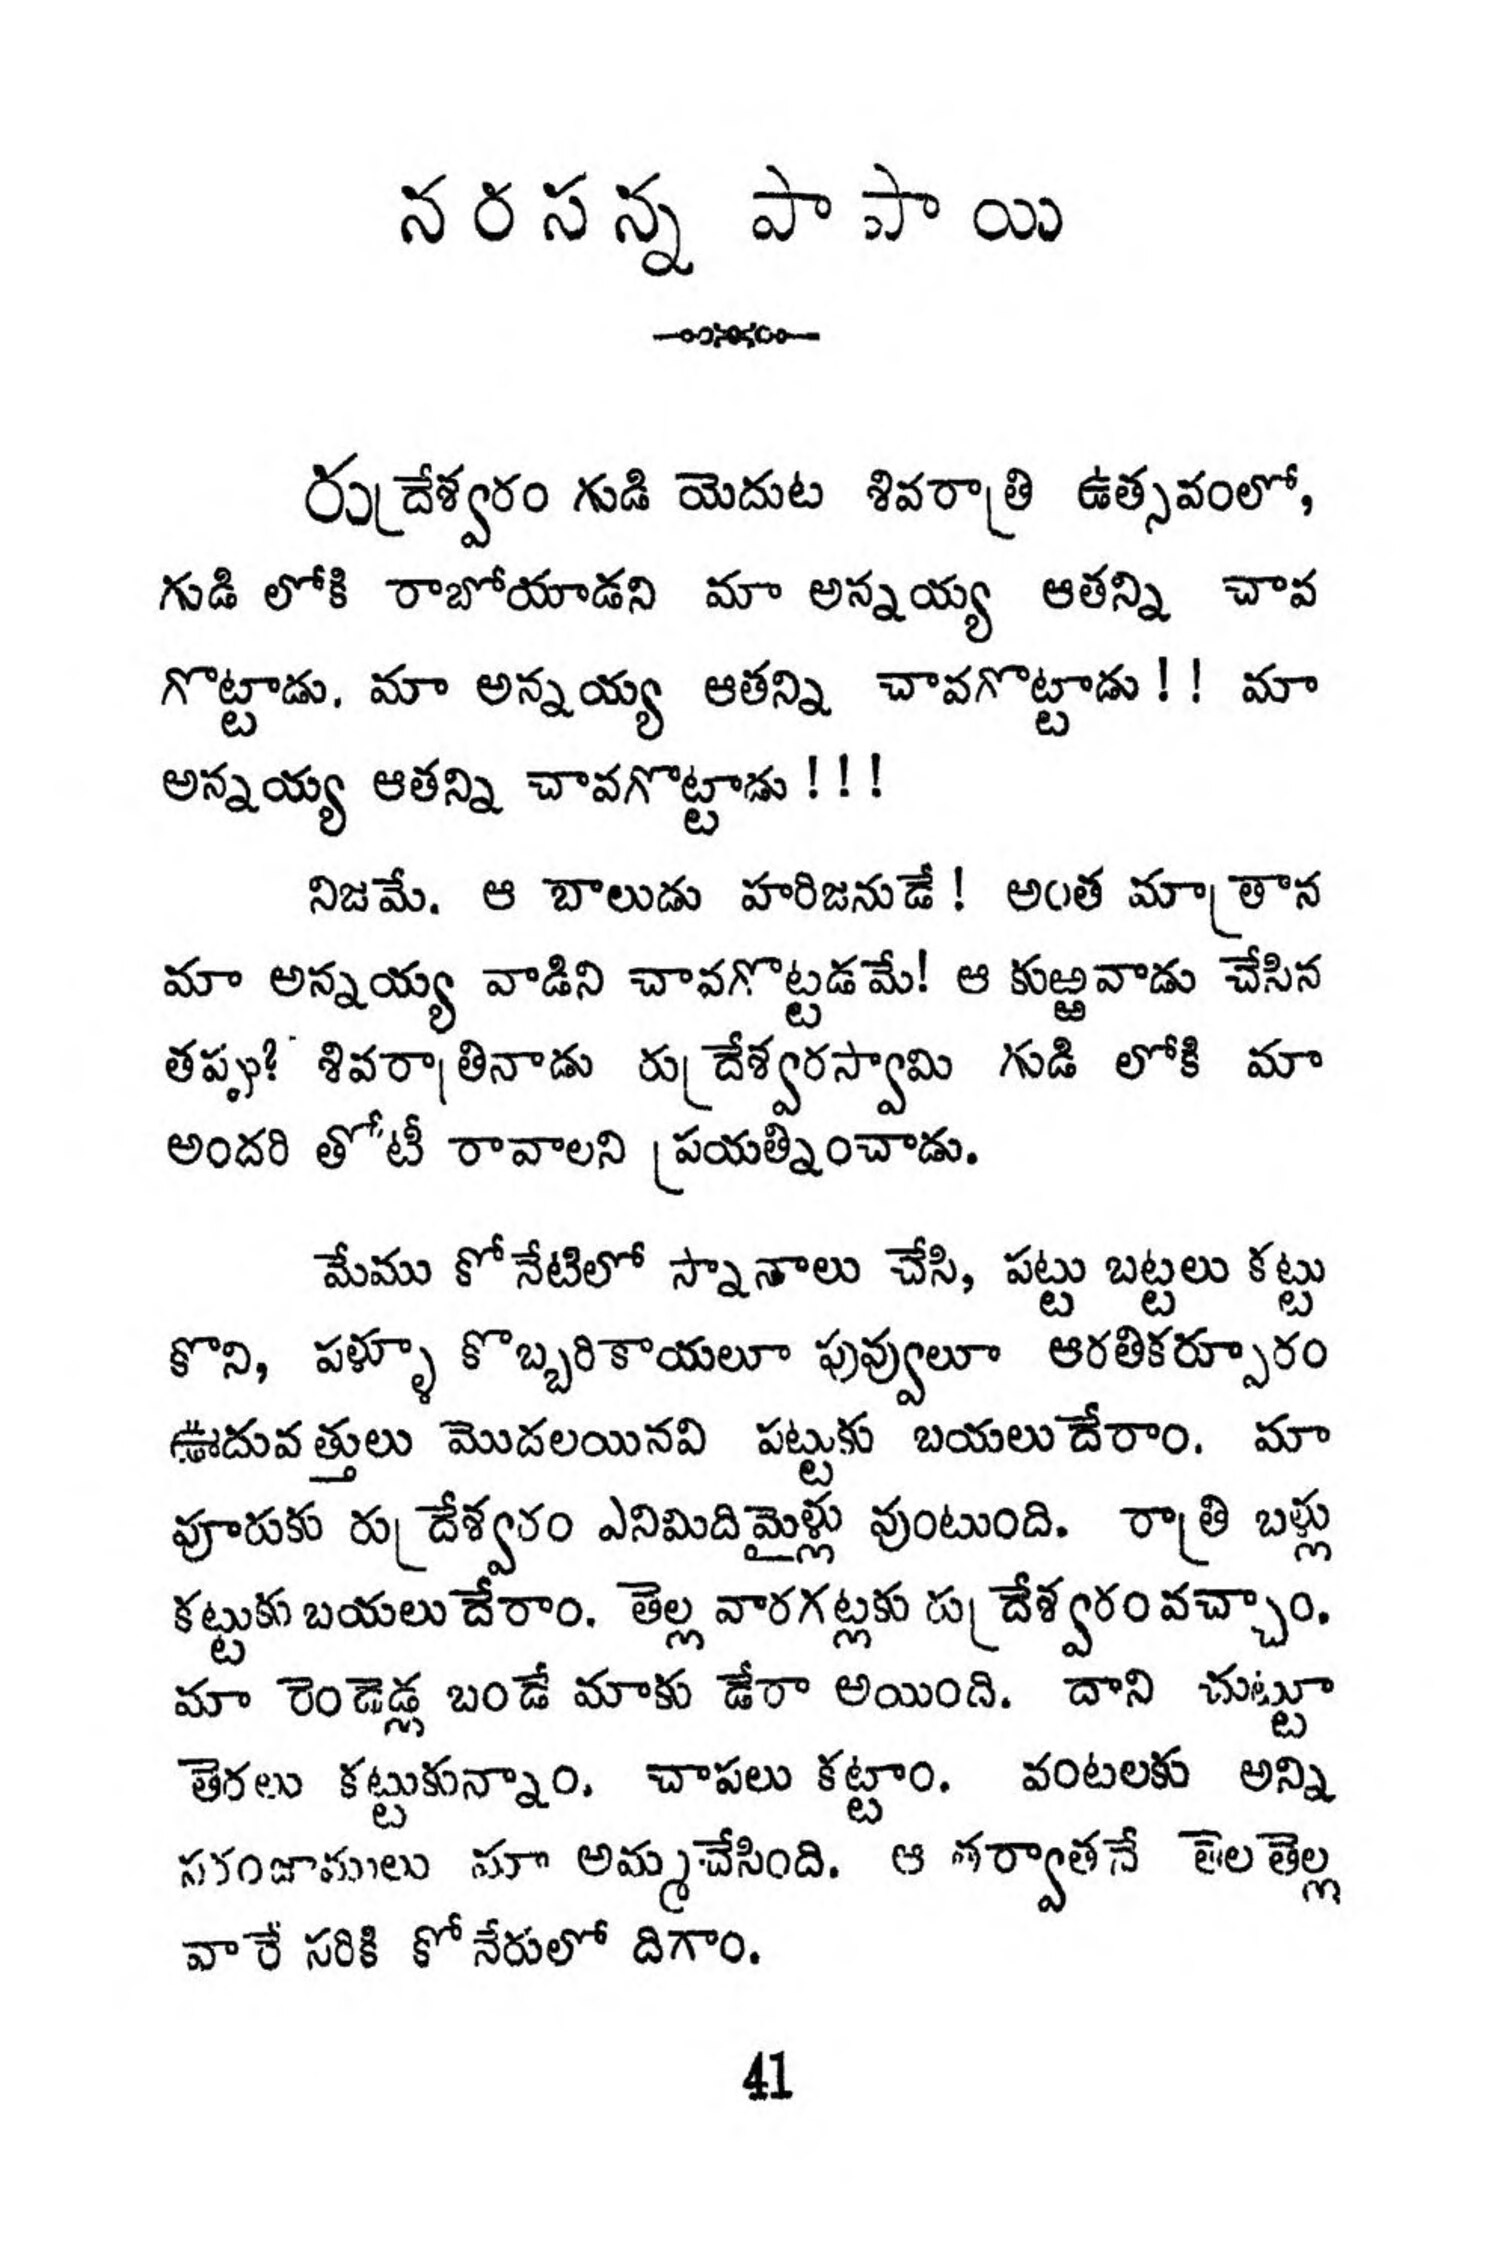నరసన్న పాపాయి

రుద్రేశ్వరం గుడి యెదుట శివరాత్రి ఉత్సవంలో, గుడి లోకి రాబోయాడని మా అన్నయ్య ఆతన్ని చావ గొట్టాడు. మా అన్నయ్య ఆతన్ని చావగొట్టాడు ! ! మా అన్నయ్య ఆతన్ని చావగొట్టాడు ! ! !

నిజమే. ఆ బాలుడు హరిజనుడే ! అంత మాత్రాన మా అన్నయ్య వాడిని చావగొట్టడమే! ఆ కుఱ్ఱవాడు చేసిన తప్పు? శివరాత్రినాడు రుద్రేశ్వరస్వామి గుడి లోకి మా అందరి తోటీ రావాలని ప్రయత్నించాడు.

మేము కోనేటిలో స్నానాలు చేసి, పట్టు బట్టలు కట్టుకొని, పళ్ళూ కొబ్బరికాయలూ పువ్వులూ ఆరతికర్పూరం ఊదువత్తులు మొదలయినవి పట్టుకు బయలుదేతాం. మా వూరుకు రుద్రేశ్వరం ఎనిమిదిమైళ్లు వుంటుంది. రాత్రి బళ్లు కట్టుకుబయలుదేరాం. తెల్ల వారగట్లకు రుద్రేశ్వరంవచ్చాం. మా రెండెడ్ల బండే మాకు డేరా అయింది. దాని చుట్టూ తెరలు కట్టుకున్నాం. చాపలు కట్టాం. వంటలకు అన్ని సరంజాములు మా అమ్మచేసింది. ఆ తర్వాతనే తెలతెల్లవారే సరికి కోనేరులో దిగాం.